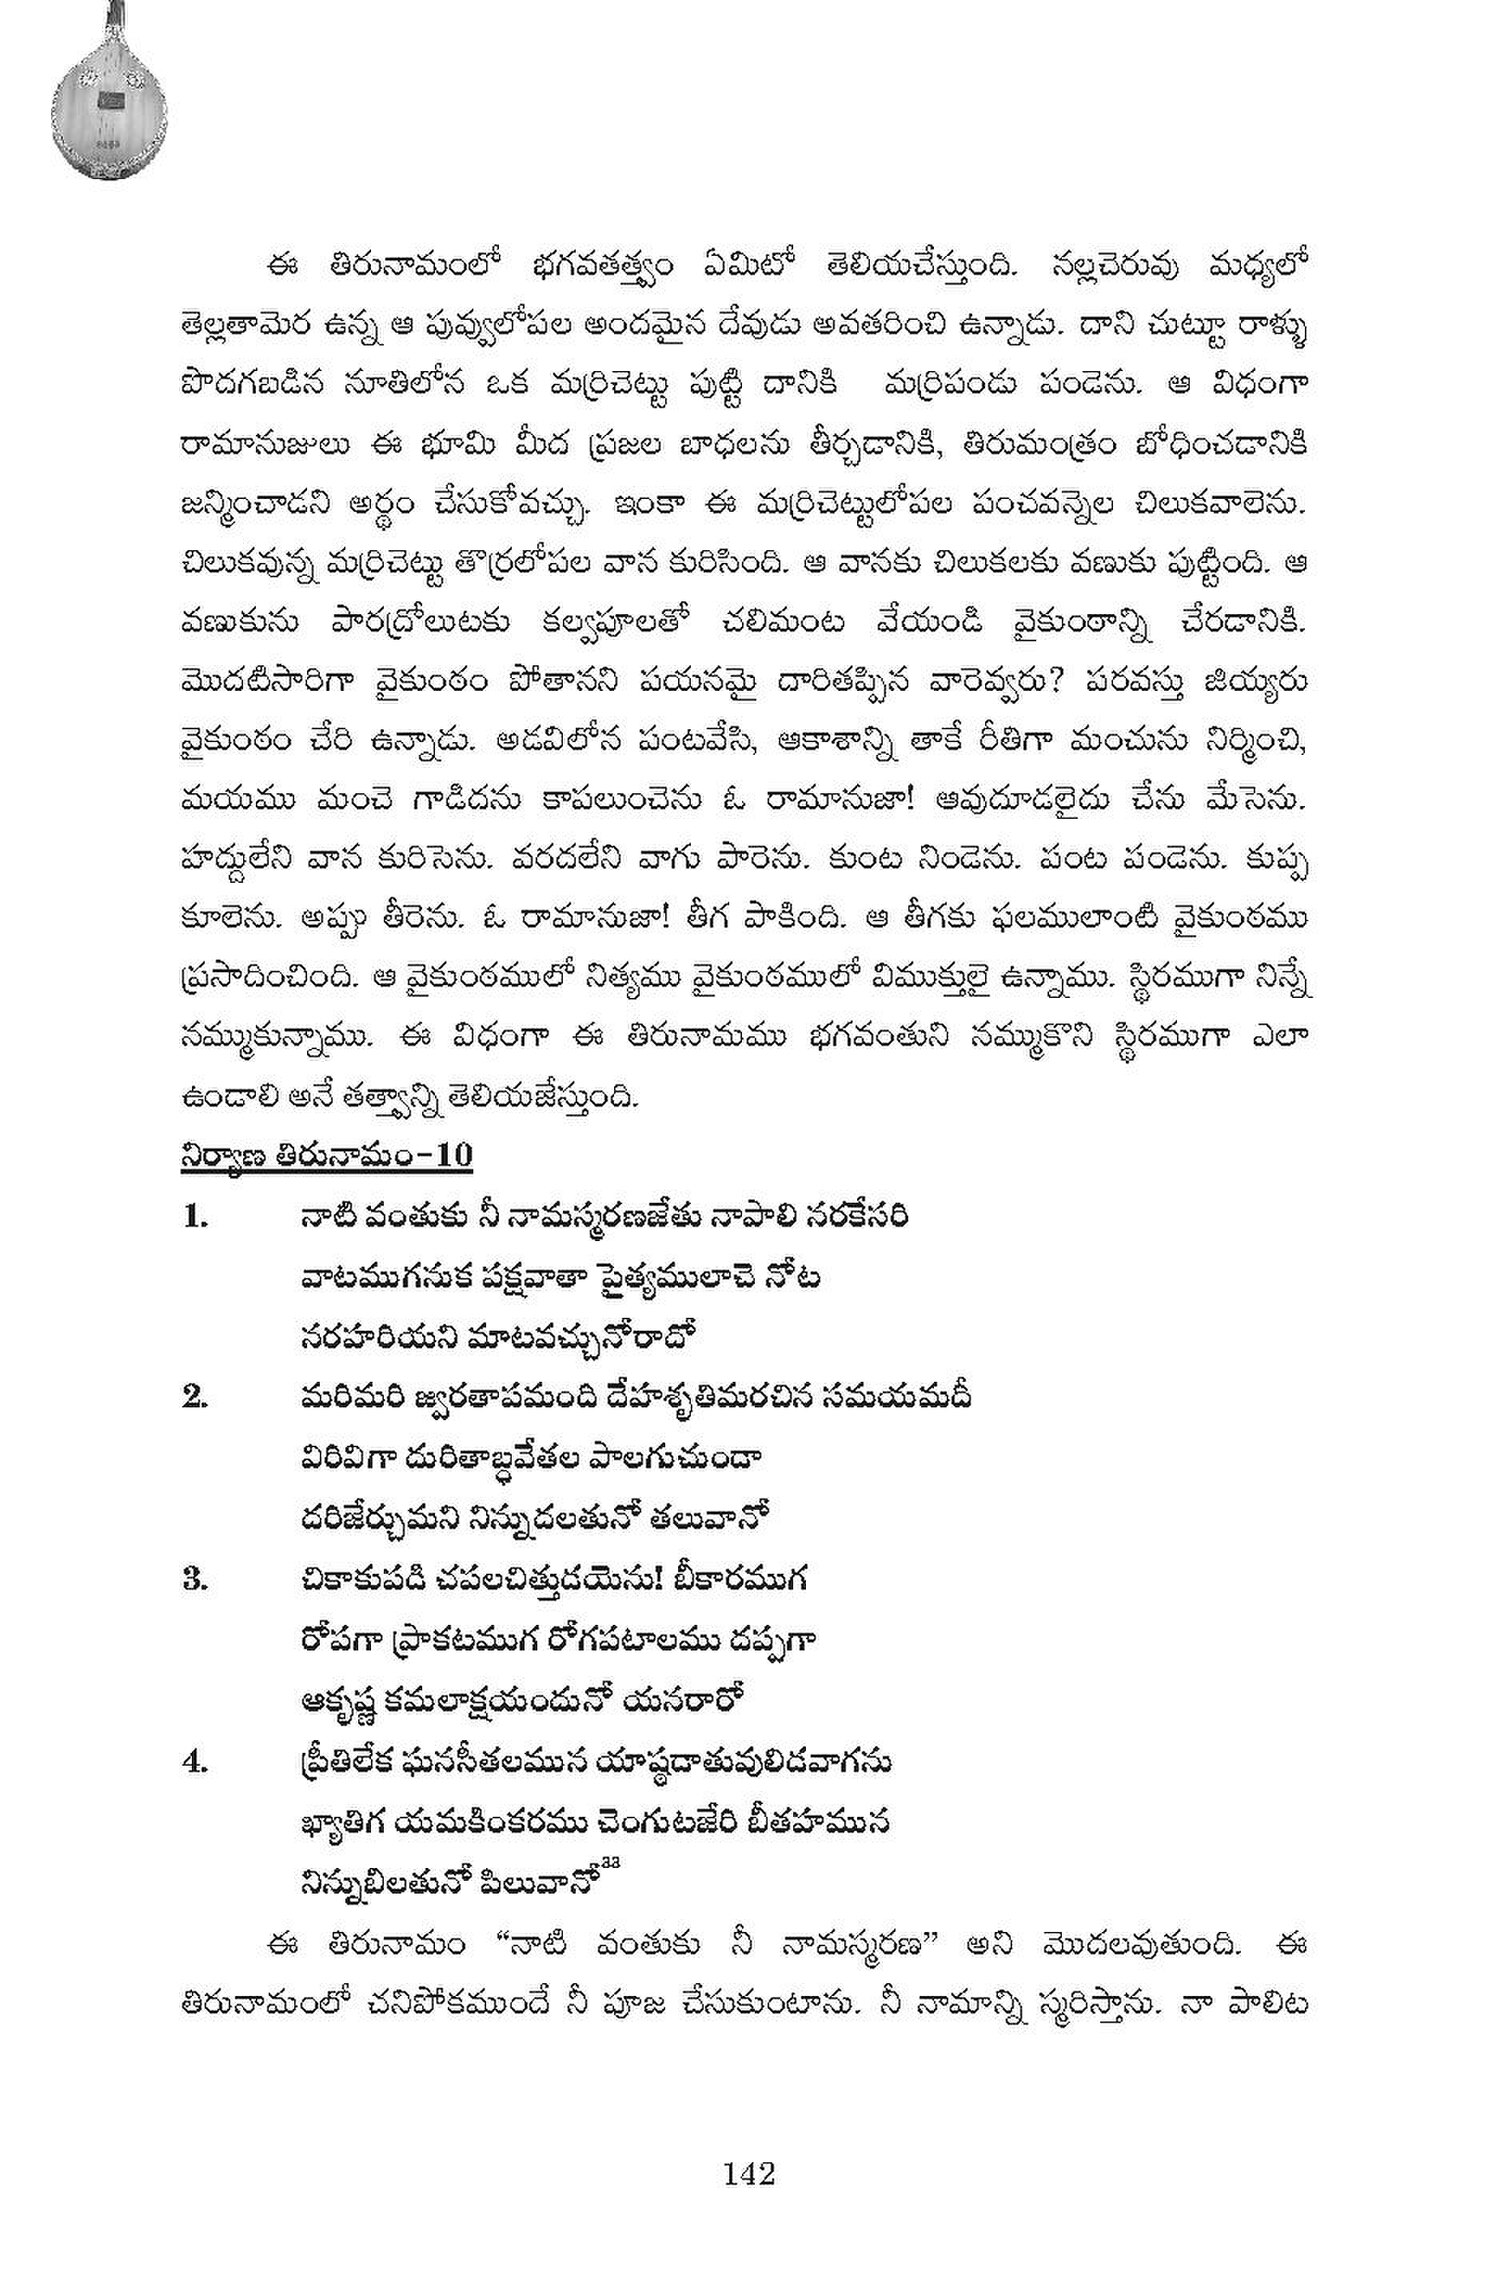ఈ తిరునామంలో భగవతత్త్వం ఏమిటో తెలియచేస్తుంది. నల్లచెరువు మధ్యలో తెల్లతామెర ఉన్న ఆ పువ్వులోపల అందమైన దేవుడు అవతరించి ఉన్నాడు. దాని చుట్టూ రాళ్ళు పొదగబడిన నూతిలోన ఒక మర్రిచెట్టు పుట్టి దానికి మర్రిపండు పండెను. ఆ విధంగా రామానుజులు ఈ భూమి మీద ప్రజల బాధలను తీర్చడానికి, తిరుమంత్రం బోధించడానికి
జన్మించాడని అర్థం చేసుకోవచ్చు. ఇంకా ఈ మర్రిచెట్టులోపల పంచవన్నెల చిలుకవాలెను. చిలుకవున్న మర్రిచెట్టు తొర్రలోపల వాన కురిసింది. ఆ వానకు చిలుకలకు వణుకు పుట్టింది. ఆ వణుకును పారద్రోలుటకు కల్వపూలతో చలిమంట వేయండి వైకుంఠాన్ని చేరడానికి. మొదటిసారిగా వైకుంఠం పోతానని పయనమై దారితప్పిన వారెవ్వరు? పరవస్తు జియ్యరు
వైకుంఠం చేరి ఉన్నాడు. అడవిలోన పంటవేసి, ఆకాశాన్ని తాకే రీతిగా మంచును నిర్మించి, మయము మంచె గాడిదను కాపలుంచెను ఓ రామానుజా! ఆవుదూడలైదు చేను మేసెను. హద్దులేని వాన కురిసెను. వరదలేని వాగు పారెను. కుంట నిండెను. పంట పండెను. కుప్ప కూలెను. అప్పు తీరెను. ఓ రామానుజా! తీగ పాకింది. ఆ తీగకు ఫలములాంటి వైకుంఠము ప్రసాదించింది. ఆ వైకుంఠములో నిత్యము వైకుంఠములో విముక్తులై ఉన్నాము. స్థిరముగా నిన్నే నమ్ము కున్నాము. ఈ విధంగా ఈ తిరునామము భగవంతుని నమ్ముకొని స్థిరముగా ఎలా ఉండాలి అనే తత్త్వాన్ని తెలియజేస్తుంది.

నిర్వాణ తిరునామం-10

1. నాటి వంతుకు నీ నామస్మరణజేతు నాపాలి నరకేసరి
వాటముగనుక పక్షవాతా పైత్యములాచె నోట
నరహరియని మాటవచ్చునోరాదో

2. మరీమరీ జ్వరతాపమంది దేహశృతిమరచిన సమయమదీ
విరివిగా దురితాబ్ధవేతల పాలగుచుండా
దరిజేర్చుమని నిన్నుదలతునో తలువానో

3. చికాకుపడి చపలచిత్తుడయెను! బీకారముగ
రోపగా ప్రాకటముగ రోగపటాలము దప్పగా
ఆకృష్ణ కమలాక్షయందునో యనరారో

4. ప్రీతిలేక ఘనసీతలమున యాష్టదాతువులిడవాగను
ఖ్యాతిగ యమకింకరము చెంగుటజేరి బీతహమున
నిన్నుబిలతునో పిలువానో33

ఈ తిరునామం "నాటి వంతుకు నీ నామస్మరణ" అని మొదలవుతుంది. తిరునామంలో చనిపోకముందే నీ పూజ చేసుకుంటాను. నీ నామాన్ని స్మరిస్తాను. నా పాలిట